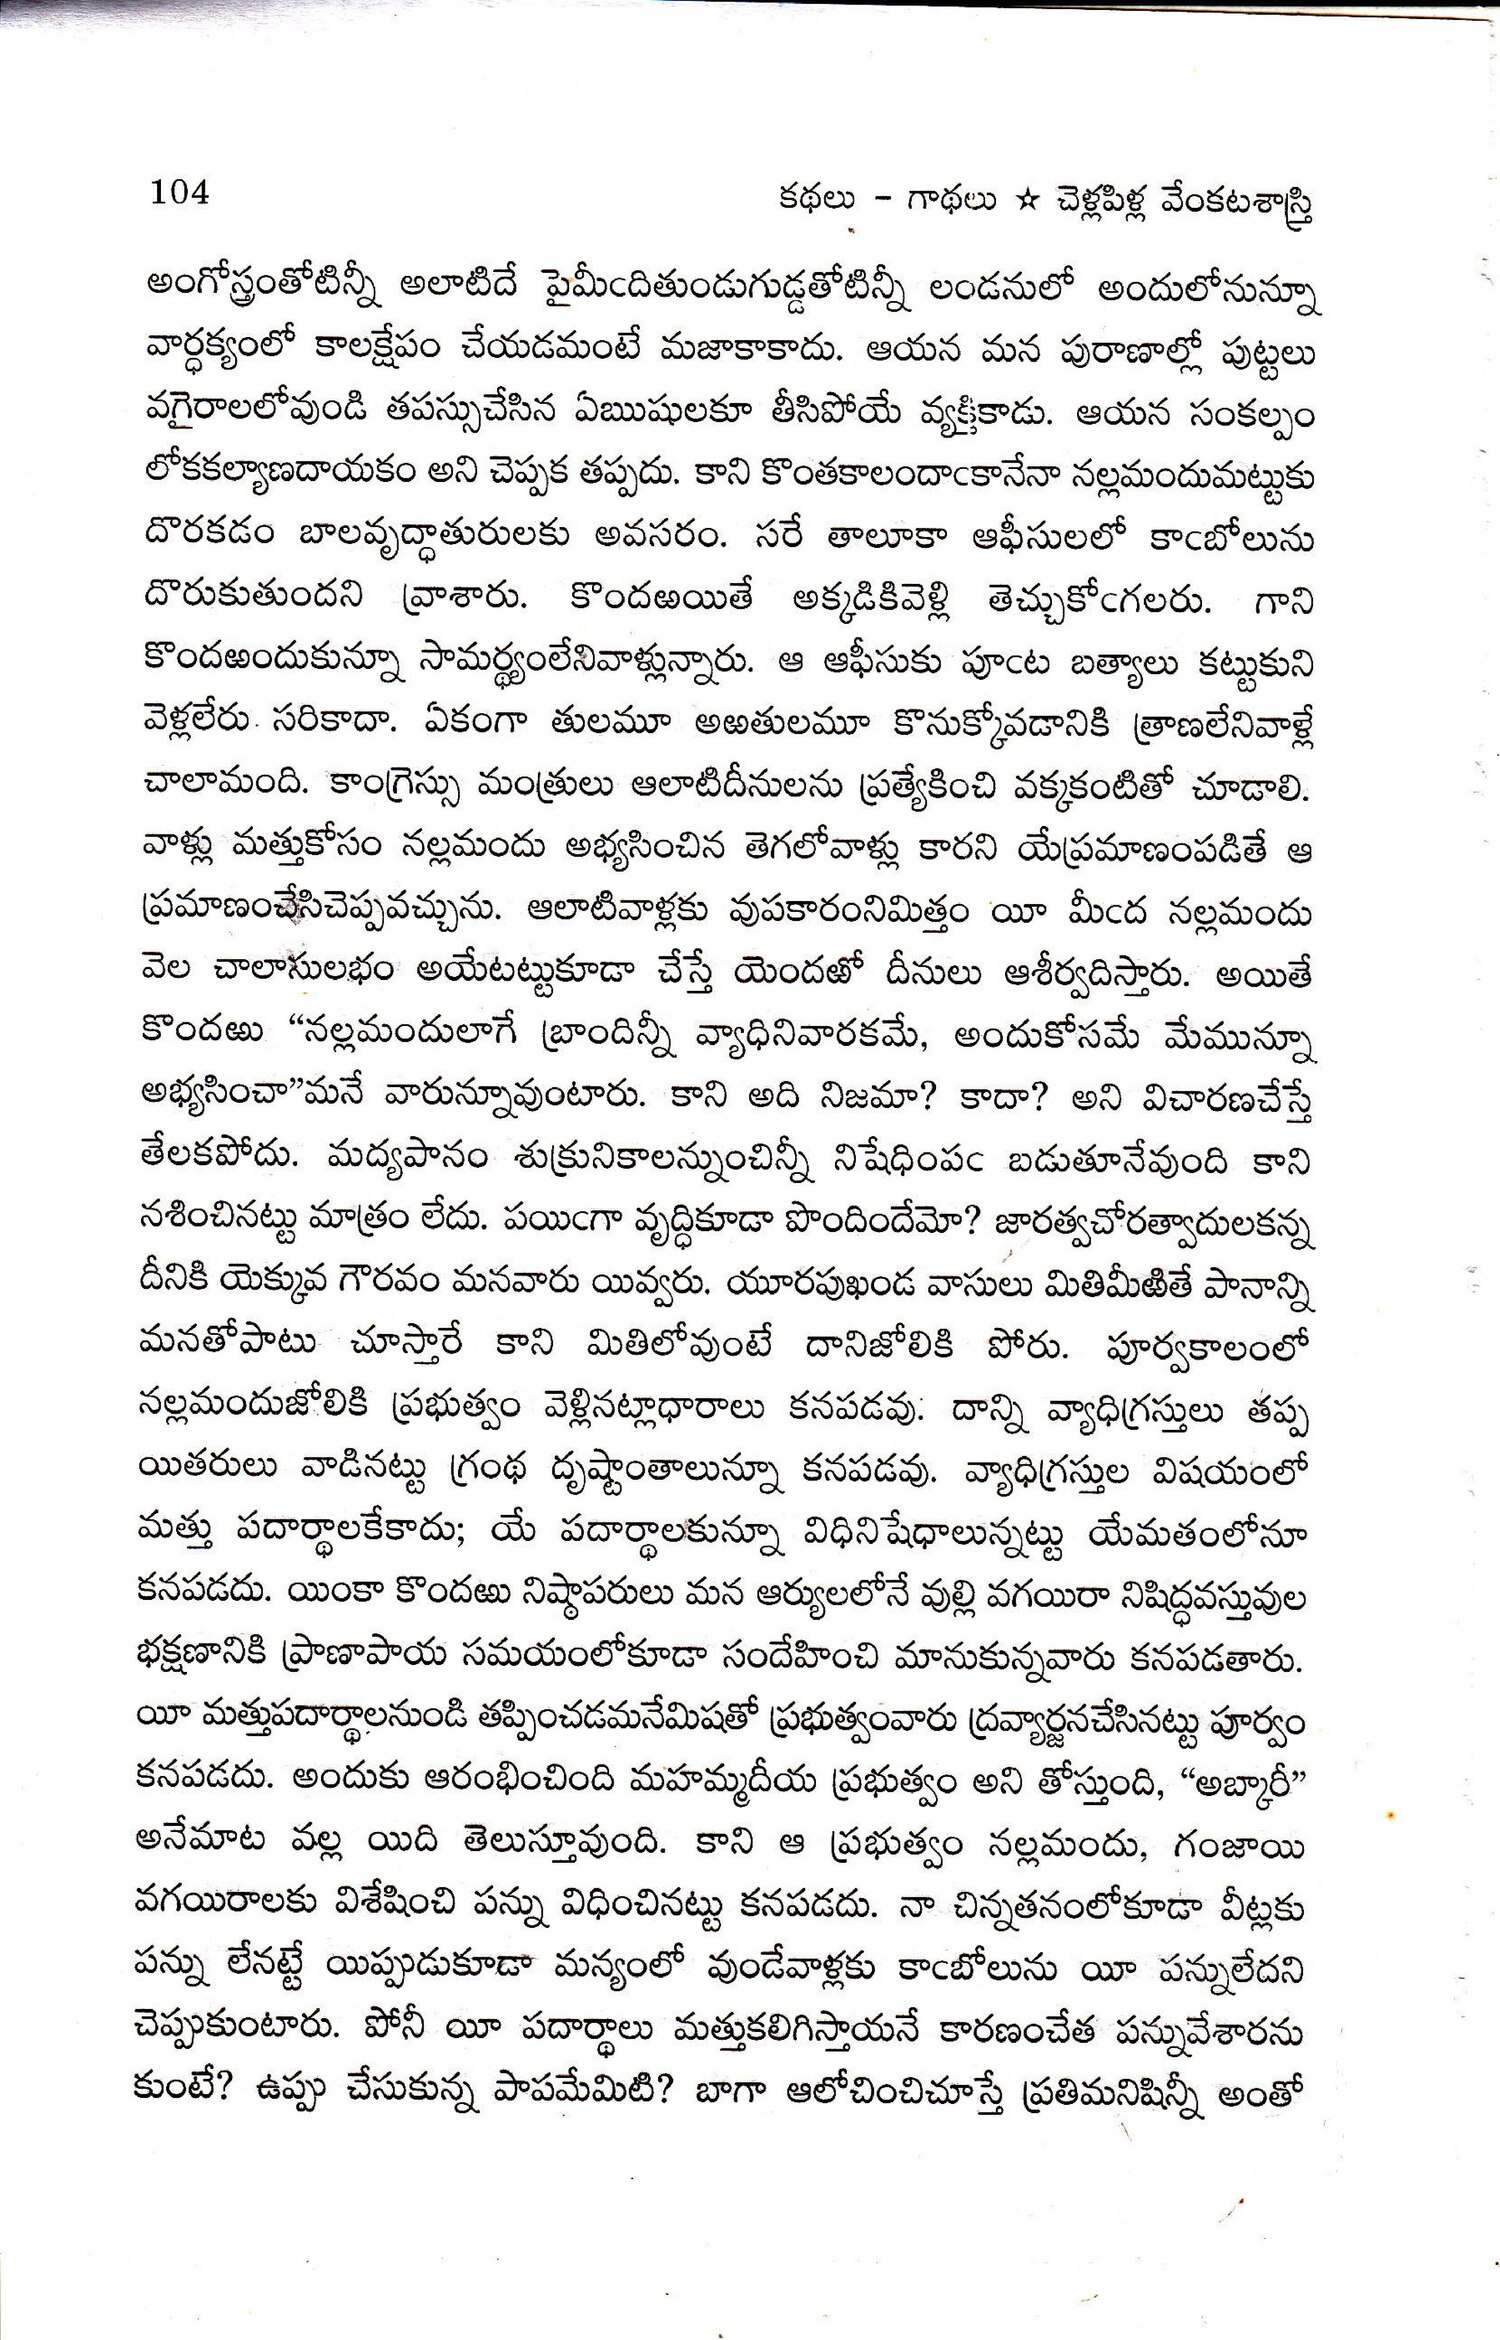అంగోస్త్రంతోటిన్నీ అలాటిదే పైమీందితుండుగుడ్డతోటిన్నీ లండనులో అందులోనున్నూ వార్ధక్యంలో కాలక్షేపం చేయడమంటే మజాకాకాదు. ఆయన మన పురాణాల్లో పుట్టలు వగైరాలలోవుండి తపస్సుచేసిన ఏబుషులకూ తీసిపోయే వ్యక్తికాడు. ఆయన సంకల్పం లోకకల్యాణదాయకం అని చెప్పక తప్పదు. కాని కొంతకాలందాంకానేనా నల్లమందుమట్టుకు దొరకడం బాలవృద్ధాతురులకు అవసరం. సరే తాలూకా ఆఫీసులలో కాంబోలును దొరుకుతుందని వ్రాశారు. కొందఱయితే అక్కడికివెళ్లి తెచ్చుకోంగలరు. గాని కొందఱందుకున్నూ సామర్థ్యంలేనివాళ్లున్నారు. ఆ ఆఫీసుకు పూCట బత్యాలు కట్టుకుని వెళ్లలేరు. సరికాదా. ఏకంగా తులమూ అఱతులమూ కొనుక్కోవడానికి త్రాణలేనివాళ్లే చాలామంది. కాంగ్రెస్సు మంత్రులు ఆలాటిదీనులను ప్రత్యేకించి వక్కకంటితో చూడాలి. వాళ్లు మత్తుకోసం నల్లమందు అభ్యసించిన తెగలోవాళ్లు కారని యేప్రమాణంపడితే ఆ ప్రమాణంచేసిచెప్పవచ్చును. ఆలాటివాళ్లకు వుపకారంనిమిత్తం యీ మీంద నల్లమందు వెల చాలాసులభం అయేటట్టుకూడా చేస్తే యెందటో దీనులు ఆశీర్వదిస్తారు. అయితే కొందఱు “నల్లమందులాగే బ్రాందిన్నీ వ్యాధినివారకమే, అందుకోసమే మేమున్నూ అభ్యసించామనే వారున్నూవుంటారు. కాని అది నిజమా? కాదా? అని విచారణచేస్తే తేలకపోదు. మద్యపానం శుక్రునికాలన్నుంచిన్నీ నిషేధింపC బడుతూనేవుంది కాని నశించినట్టు మాత్రం లేదు. పంుంగా వృద్ధికూడా పొందిందేమో? జారత్వచోరత్వాదులకన్న దీనికి యొక్కువ గౌరవం మనవారు యివ్వరు. యూరపుఖండ వాసులు మితిమీటితే పానాన్ని మనతోపాటు చూస్తారే కాని మితిలోవుంటే దాని జోలికి పోరు. పూర్వకాలంలో నల్లమందుజోలికి ప్రభుత్వం వెళ్లినట్లాధారాలు కనపడవు. దాన్ని వ్యాధిగ్రస్తులు తప్ప యితరులు వాడినట్టు గ్రంథ దృష్టాంతాలున్నూ కనపడవు. వ్యాధిగ్రస్తుల విషయంలో మత్తు పదార్థాలకేకాదు; యే పదార్థాలకున్నూ విధినిషేధాలున్నట్టు యేమతంలోనూ కనపడదు. యింకా కొందఱు నిష్టాపరులు మన ఆర్యులలోనే వుల్లి వగయిరా నిషిద్ధవస్తువుల భక్షణానికి ప్రాణాపాయ సమయంలోకూడా సందేహించి మానుకున్నవారు కనపడతారు. యీ మత్తుపదార్థాలనుండి తప్పించడమనేమిషతో ప్రభుత్వంవారు ద్రవ్యార్జనచేసినట్టు పూర్వం కనపడదు. అందుకు ఆరంభించింది మహమ్మదీయ ప్రభుత్వం అని తోస్తుంది, “అబ్కారీ" అనేమాట వల్ల యిది తెలుస్తూవుంది. కాని ఆ ప్రభుత్వం నల్లమందు, గంజాయి వగయిరాలకు విశేషించి పన్ను విధించినట్టు కనపడదు. నా చిన్నతనంలోకూడా వీట్లకు పన్ను లేనట్టే యిప్పడుకూడా మన్యంలో వుండేవాళ్లకు కాంబోలును యీ పన్నులేదని చెప్పకుంటారు. పోనీ యీ పదార్థాలు మత్తుకలిగిస్తాయనే కారణంచేత పన్నువేశారను కుంటే? ఉప్ప చేసుకున్న పాపమేమిటి? బాగా ఆలోచించిచూస్తే ప్రతిమనిషిన్నీ అంతో